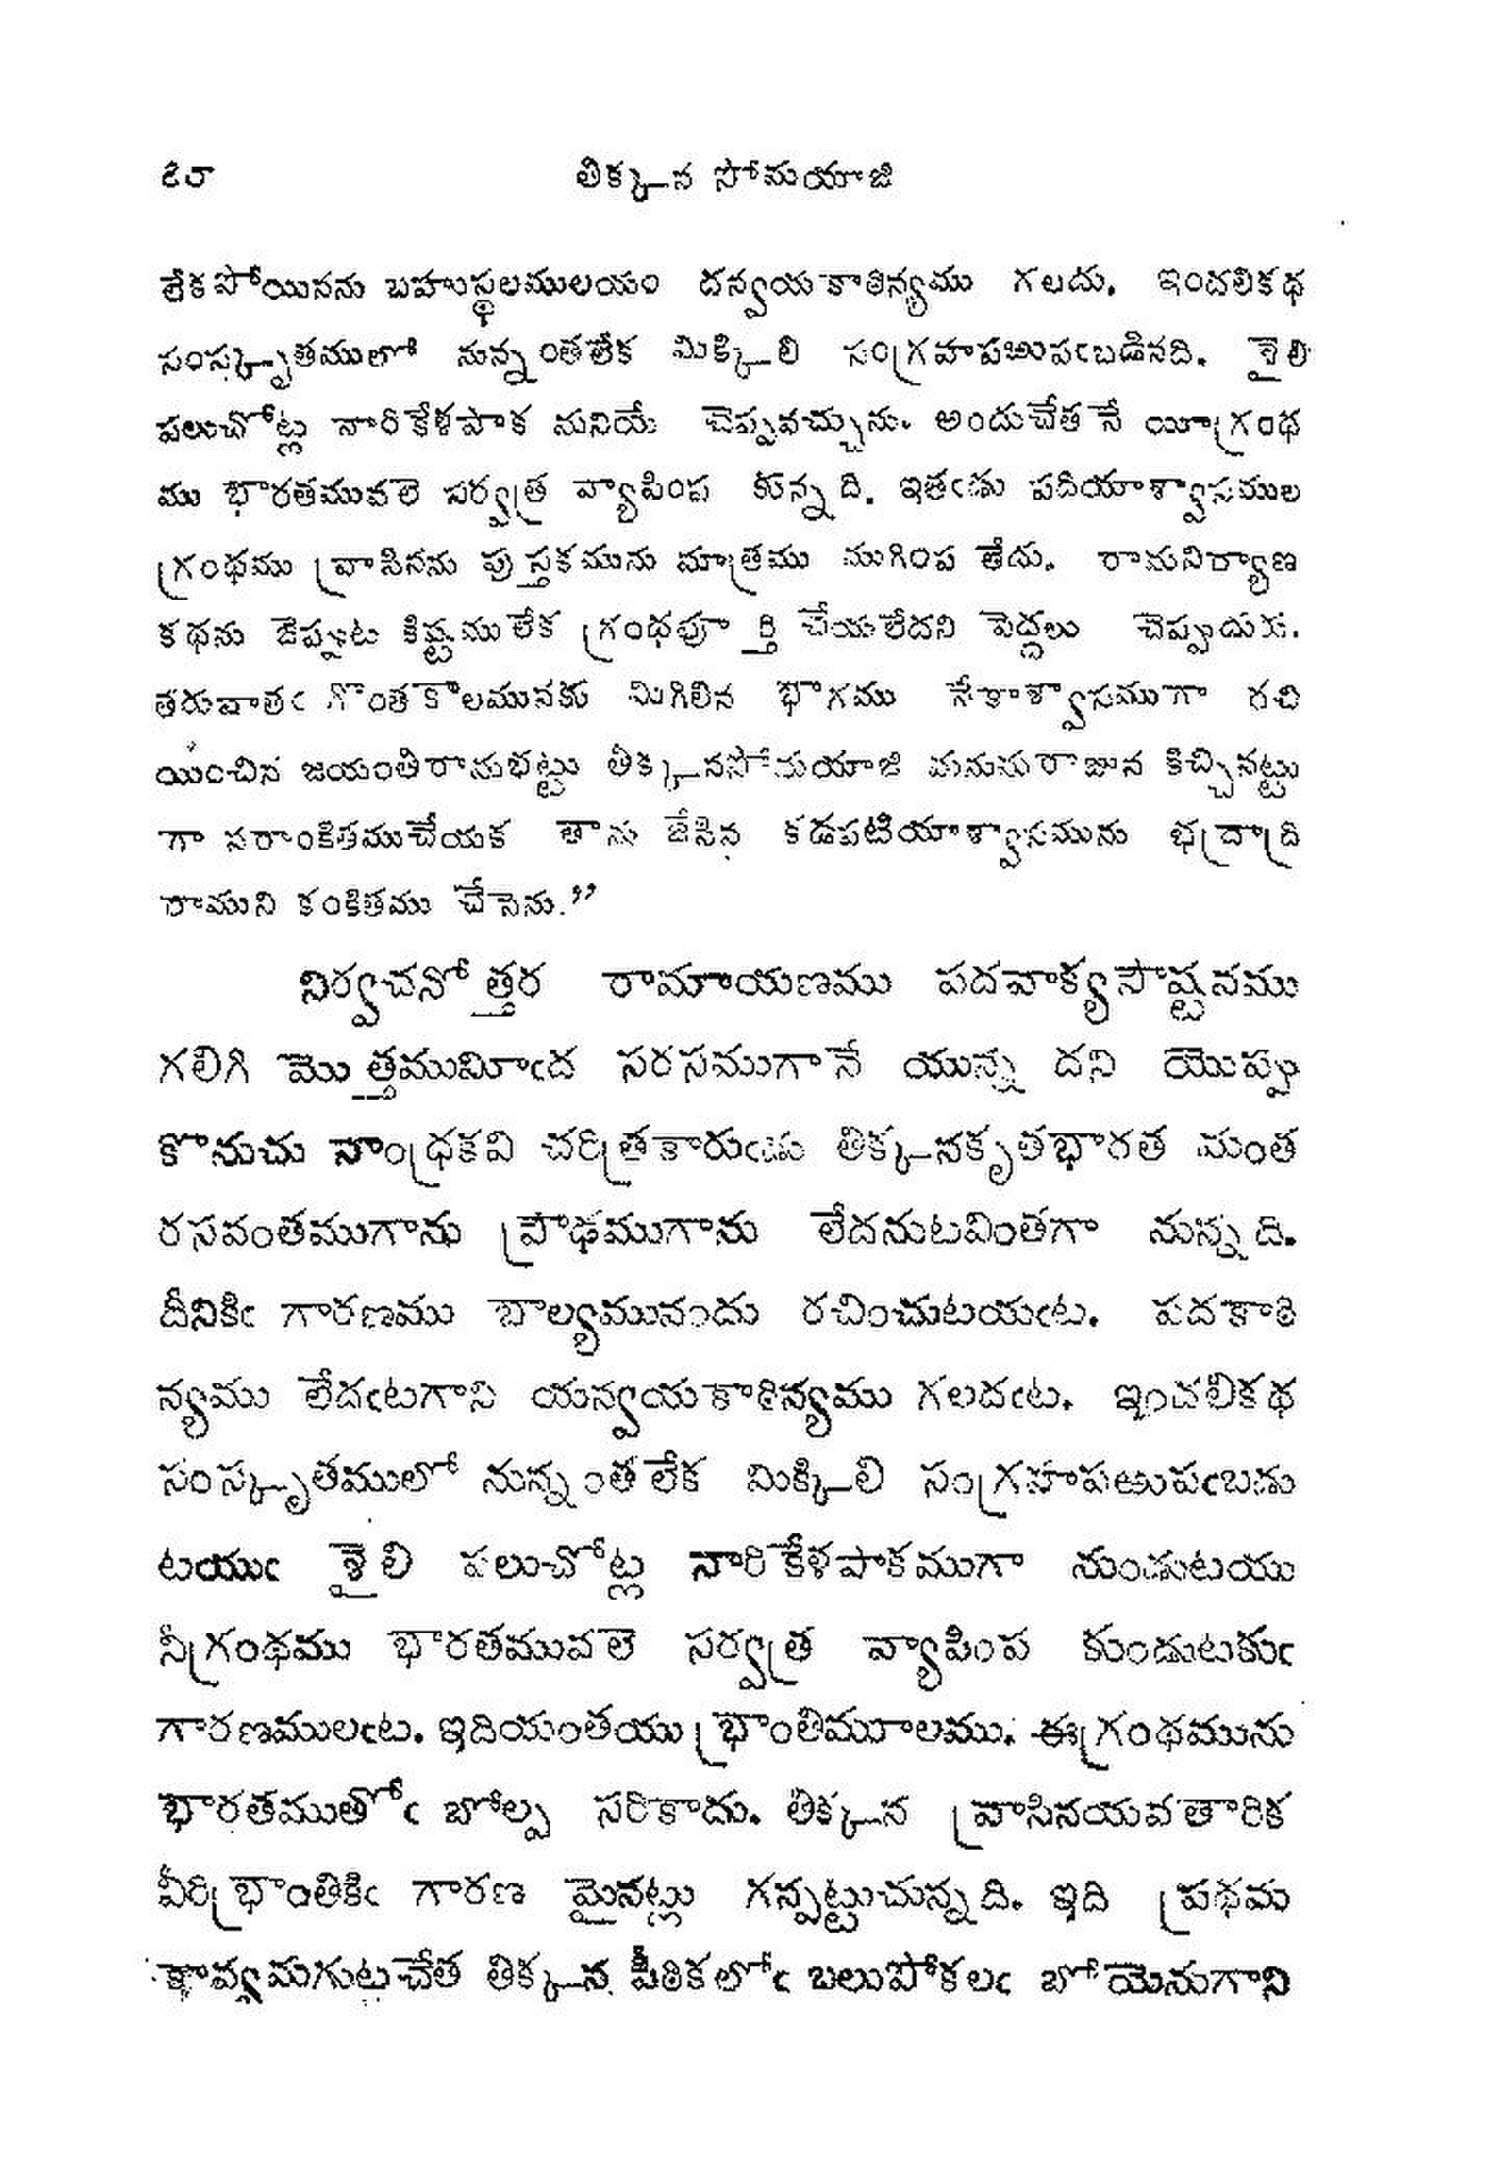లేకపోయినను బహుస్థలములయం దన్వయ కాఠిన్యము గలదు. ఇందలికథ సంస్కృతములో నున్నంతలేక మిక్కిలి సంగ్రహపఱుపఁబడినది. శైలి పలుచోట్ల నారికేళపాక మనియే చెప్పవచ్చును. అందుచేతనే యీగ్రంథము భారతమువలె సర్వత్ర వ్యాపింప కున్నది. ఇతఁడు పదియాశ్వాసముల గ్రంథము వ్రాసినను పుస్తకమును మాత్రము ముగింప తేదు. రామనిర్యాణ కథను జెప్పుట కిష్టములేక గ్రంథపూర్తి చేయలేదని పెద్దలు చెప్పుదురు. తరువాతఁ గొంతకాలమునకు మిగిలిన భాగము నేకాశ్వాసముగా రచియించిన జయంతిరామభట్టు తిక్కనసోమయాజి మనుమరాజున కిచ్చినట్టుగా సరాంకితముచేయక తాను జేసిన కడపటి యాశ్వాసమును భద్రాద్రి రాముని కంకితము చేసెను."

నిర్వచనోత్తర రామాయణము పదవాక్యసౌష్టవము గలిగి మొత్తముమీఁద సరసముగానే యున్న దని యొప్పుకొనుచు నాంధ్రకవి చరిత్రకారుఁడు తిక్కనకృతభారత మంత రసవంతముగాను ప్రౌఢముగాను లేదనుటవింతగా నున్నది. దీనికిఁ గారణము బాల్యమునందు రచించుటయఁట. పదకాఠిన్యము లేదఁటగాని యన్వయకాఠిన్యము గలదఁట. ఇందలికథ సంస్కృతములో నున్నంతలేక మిక్కిలి సంగ్రహపఱుపఁబడుటయుఁ శైలి పలుచోట్ల నారికేళపాకముగా నుండుటయు నీగ్రంథము భారతమువలె సర్వత వ్యాపింప కుండుటకుఁ గారణములఁట. ఇదియంతయు భ్రాంతిమూలము. ఈ గ్రంథమును భారతముతోఁ బోల్ప సరికాదు. తిక్కన వ్రాసినయవతారిక వీరిభ్రాంతికిఁ గారణ మైనట్లు గన్పట్టుచున్నది. ఇది ప్రథమ కావ్వమగుటచేత తిక్కన పీఠికలోఁ బలుపోకలఁ బోయెనుగాని